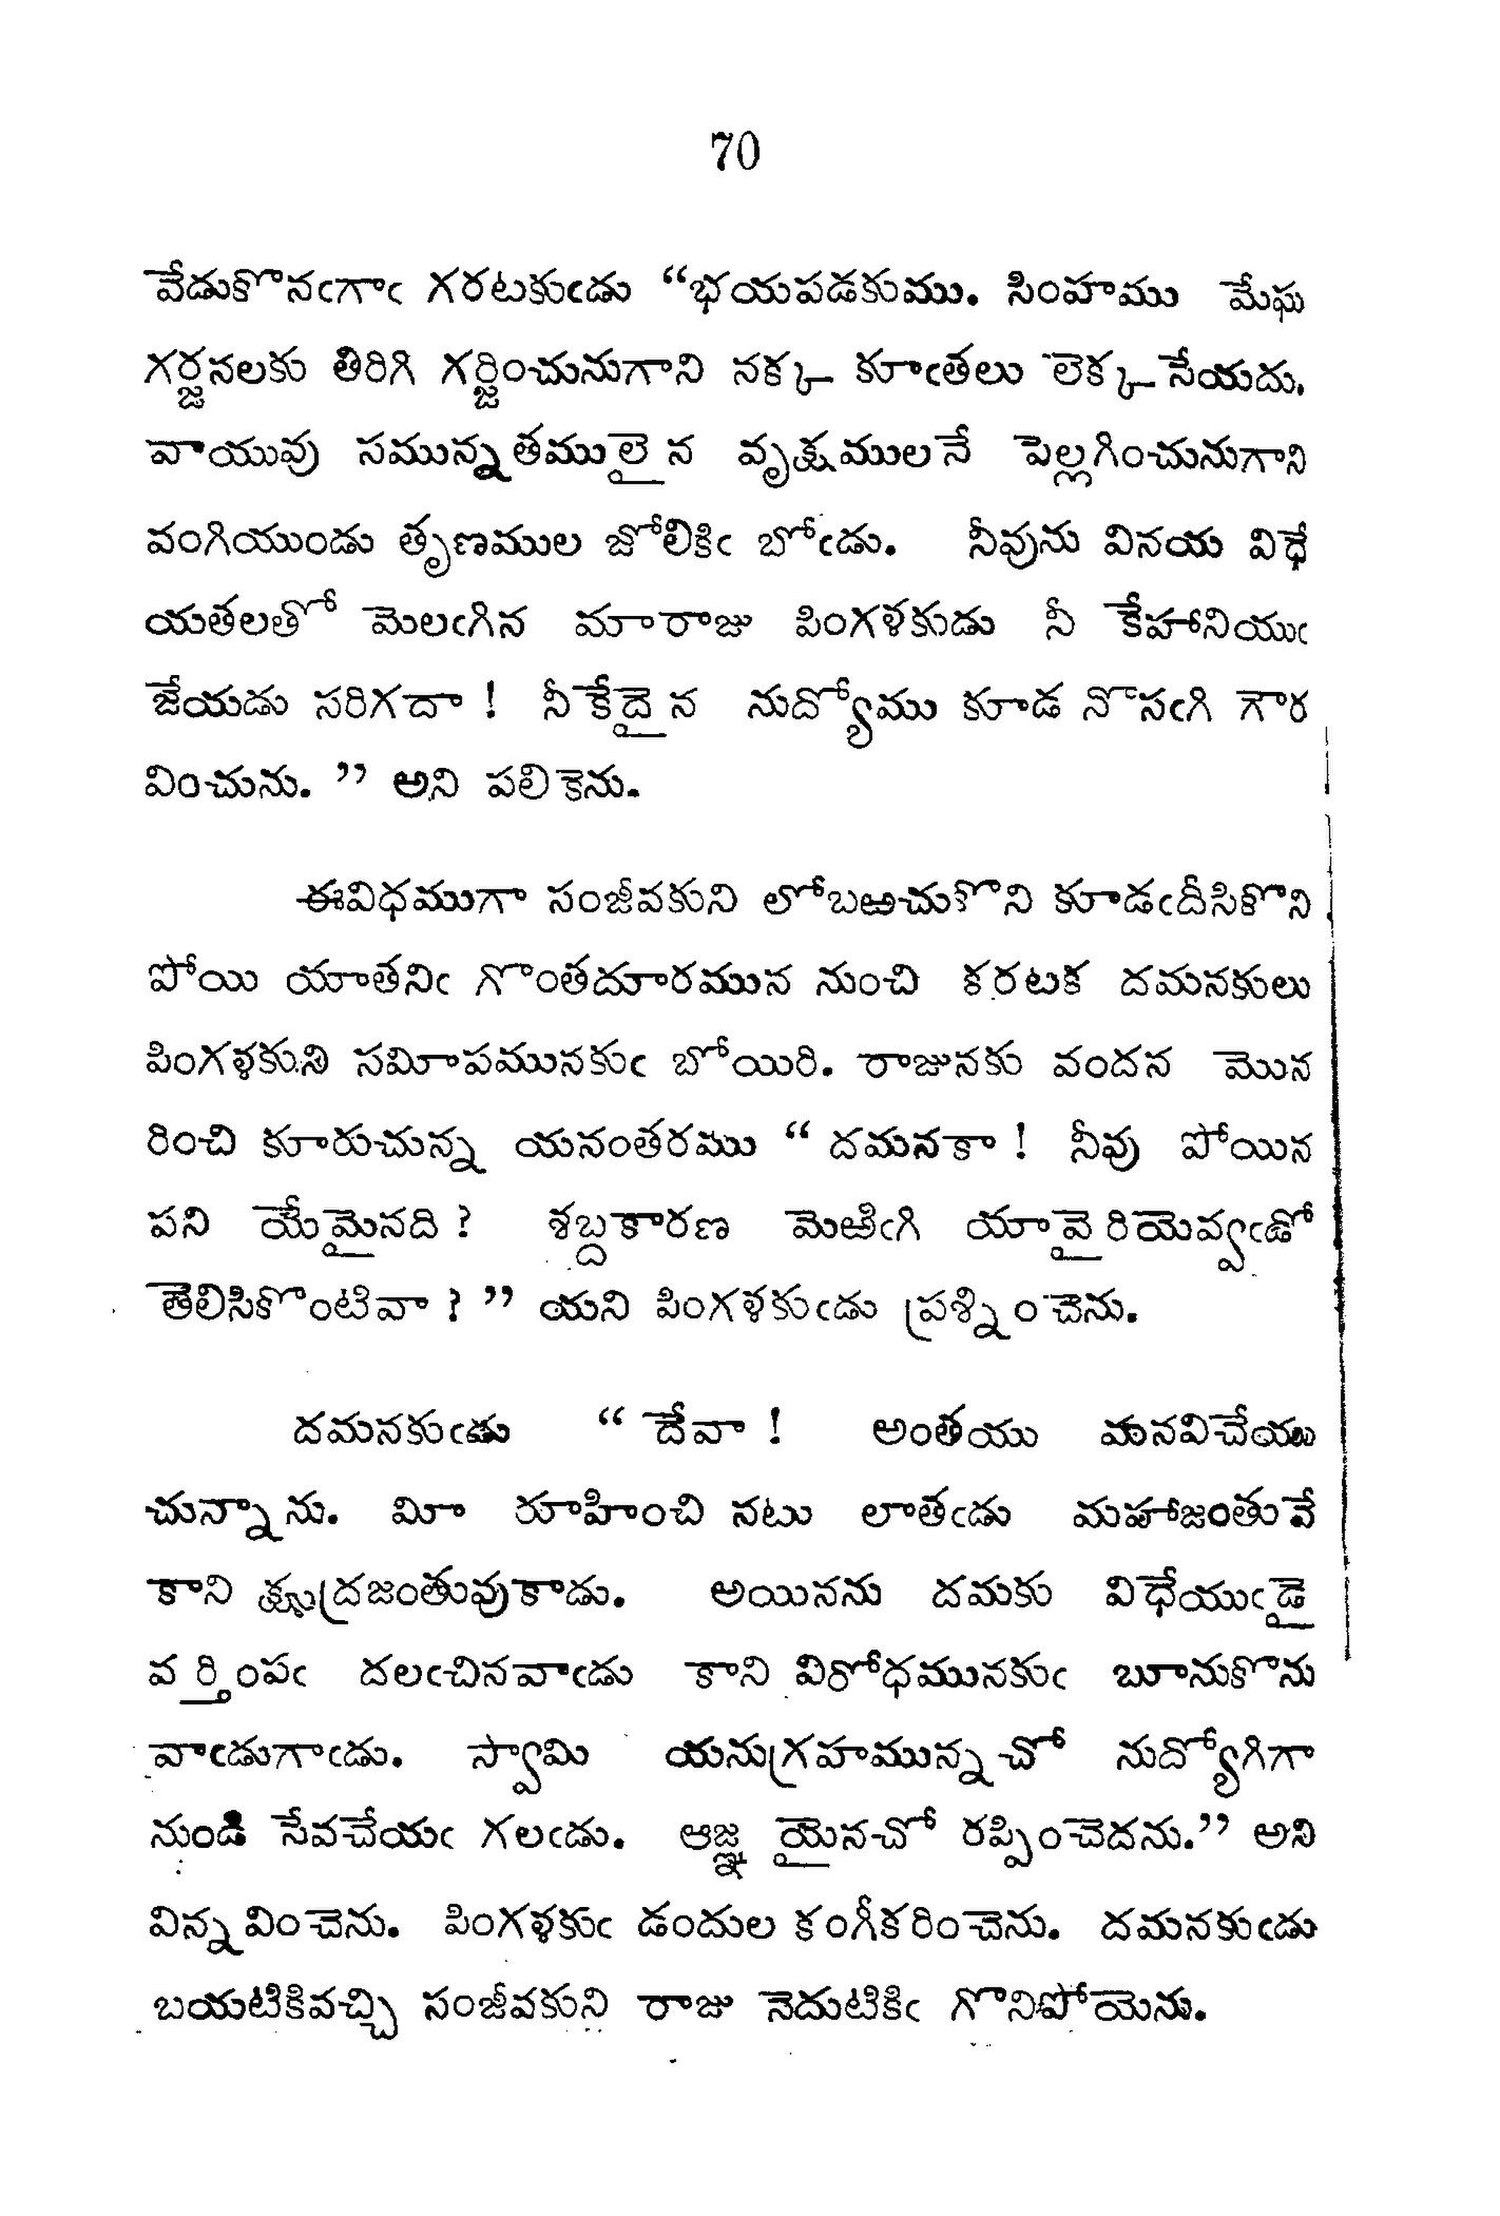వేడుకొనగా గరటకుడు "భయపడకుము. సింహము మేఘ గర్జనలకు తిరిగి గర్జించునుగాని నక్క కూతలు లెక్క సేయదు. వాయువు సమున్నతములైన వృక్షములనే పెల్లగించునుగాని వంగియుండు తృణముల జోలికి బోడు. నీవును వినయ విధేయతలతో మెలగిన మారాజు పింగళకుడు నీ కేహానియు జేయడు సరిగదా! నీకేదైన నుద్యోగము కూడ నొసగి గౌరవించును." అని పలికెను.

ఈవిధముగా సంజీవకుని లోబఱచుకొని కూడ దీసికొని పోయి యాతని గొంతదూరమున నుంచి కరటక దమనకులు పింగళకుని సమీపమునకు బోయిరి. రాజునకు వందన మొనరించి కూరుచున్న యనంతరము "దమనకా! నీవు పోయినపని యేమైనది? శబ్దకారణ మెఱిగి యావైరియెవ్వడో తెలిసికొంటివా?" యని పింగళకుడు ప్రశ్నించెను.

దమనకుడు "దేవా! అంతయు మనవిచేయు చున్నాను. మీ రూహించి నటు లాతడు మహాజంతువే కాని క్షుద్రజంతువుకాడు. అయినను దమకు విధేయుడై వర్తింప దలచినవాడు కాని విరోధమునకు బూనుకొను వాడుగాడు. స్వామి యనుగ్రహమున్నచో నుద్యోగిగా నుండి సేవచేయ గలడు. ఆజ్ఞ యైనచో రప్పించెదను." అని విన్నవించెను. పింగళకు డందుల కంగీకరించెను. దమనకుడు బయటికివచ్చి సంజీవకుని రాజు నెదుటికి గొనిపోయెను.